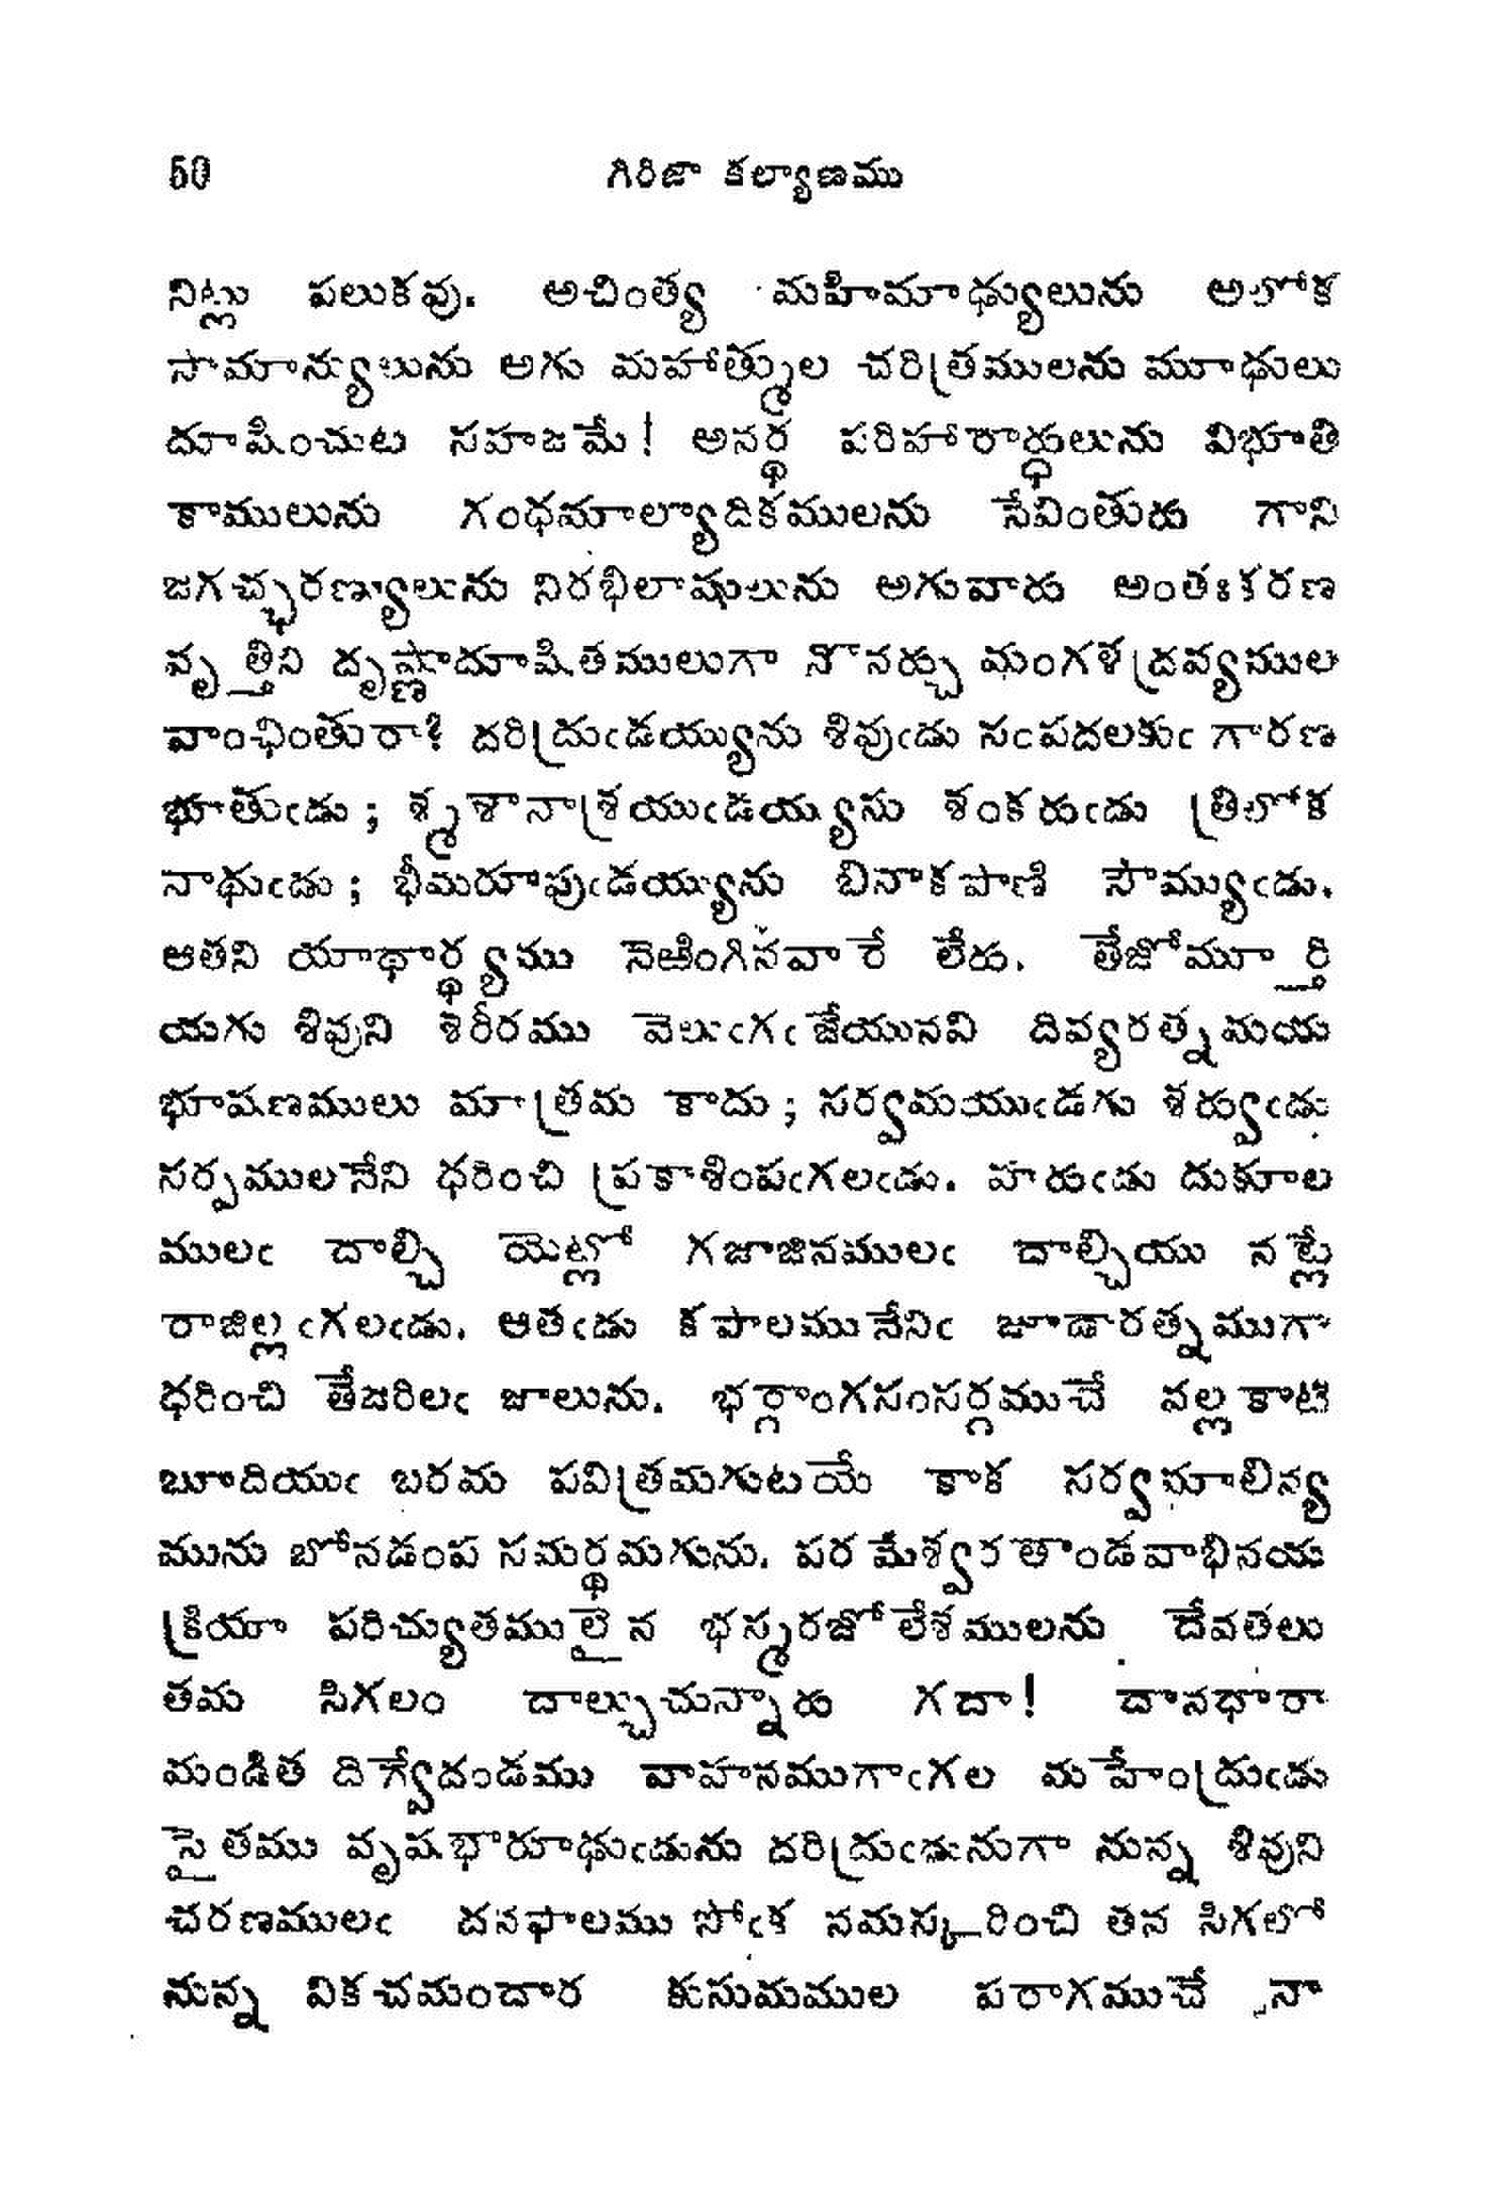నిట్లు పలుకవు. అచింత్య మహిమాఢ్యులును అలోక సామాన్యులును అగు మహాత్ముల చరిత్రములను మూఢులు దూషించుట సహజమే! అనర్థ పరిహారార్దులును విభూతి కాములును గంధమాల్యాదికములను సేవింతురు గాని జగచ్ఛరణ్యులును నిరభిలాషులును అగువారు అంతఃకరణ వృత్తిని దృష్ణాదూషితములుగా నొనర్చు మంగళ ళద్రవ్యముల
వాంఛింతురా? దరిద్రుఁడయ్యును శివుఁడు సంపదలకుఁ గారణ భూతుఁడు ; శ్శశానాశ్రయుఁడయ్యను శంకరుఁడు త్రిలోక
నాథుఁడు ; భీమరూపుఁడయ్యును బినాకపాణి సౌమ్యుఁడు, ఆతని యాథార్థ్యము నెఱింగినవారే లేరు, తేజోమూర్తి యగు శివుని శరీరము వెలుఁగఁ జేయునవి దివ్యరత్నమయ భూషణములు మాత్రమ కాదు ; సర్వమయుఁడగు శర్వుఁడు సర్పముల నేని ధరించి ప్రకాశింపఁగలఁడు. హరుఁడు దుకూలములఁ దాల్చి యెట్లో గజాజినములఁ దాల్చియు నట్లే రాజిల్లఁగలఁడు. ఆతఁడు కపాలము నేనిఁ జూడా రత్నముగా ధరించి తేజరిలఁ జాలును. భర్గాంగసంసర్గముచే వల్ల కాటి బూదియుఁ బరమ పవిత్రమగుటయే కాక సర్వమాలిన్యమును బోనడంప సమర్థమగును. పరమేశ్వర తాండవాభినయ క్రియా పరిచ్యుతములైన భస్మరజో లేశములను దేవతలు తమ సిగలం దాల్చుచున్నారు గదా! దానధారా మండిత దిగ్వేదండము వాహనముగాఁగల మహేంద్రుఁడు సైతము వృషభారూఢుఁడును దరిద్రుఁడునుగా నున్న శివుని చరణములఁ దనపాలము సోఁక నమస్కరించి తన సిగలో నున్న విక చమందార కుసుమముల పరాగముచే నా